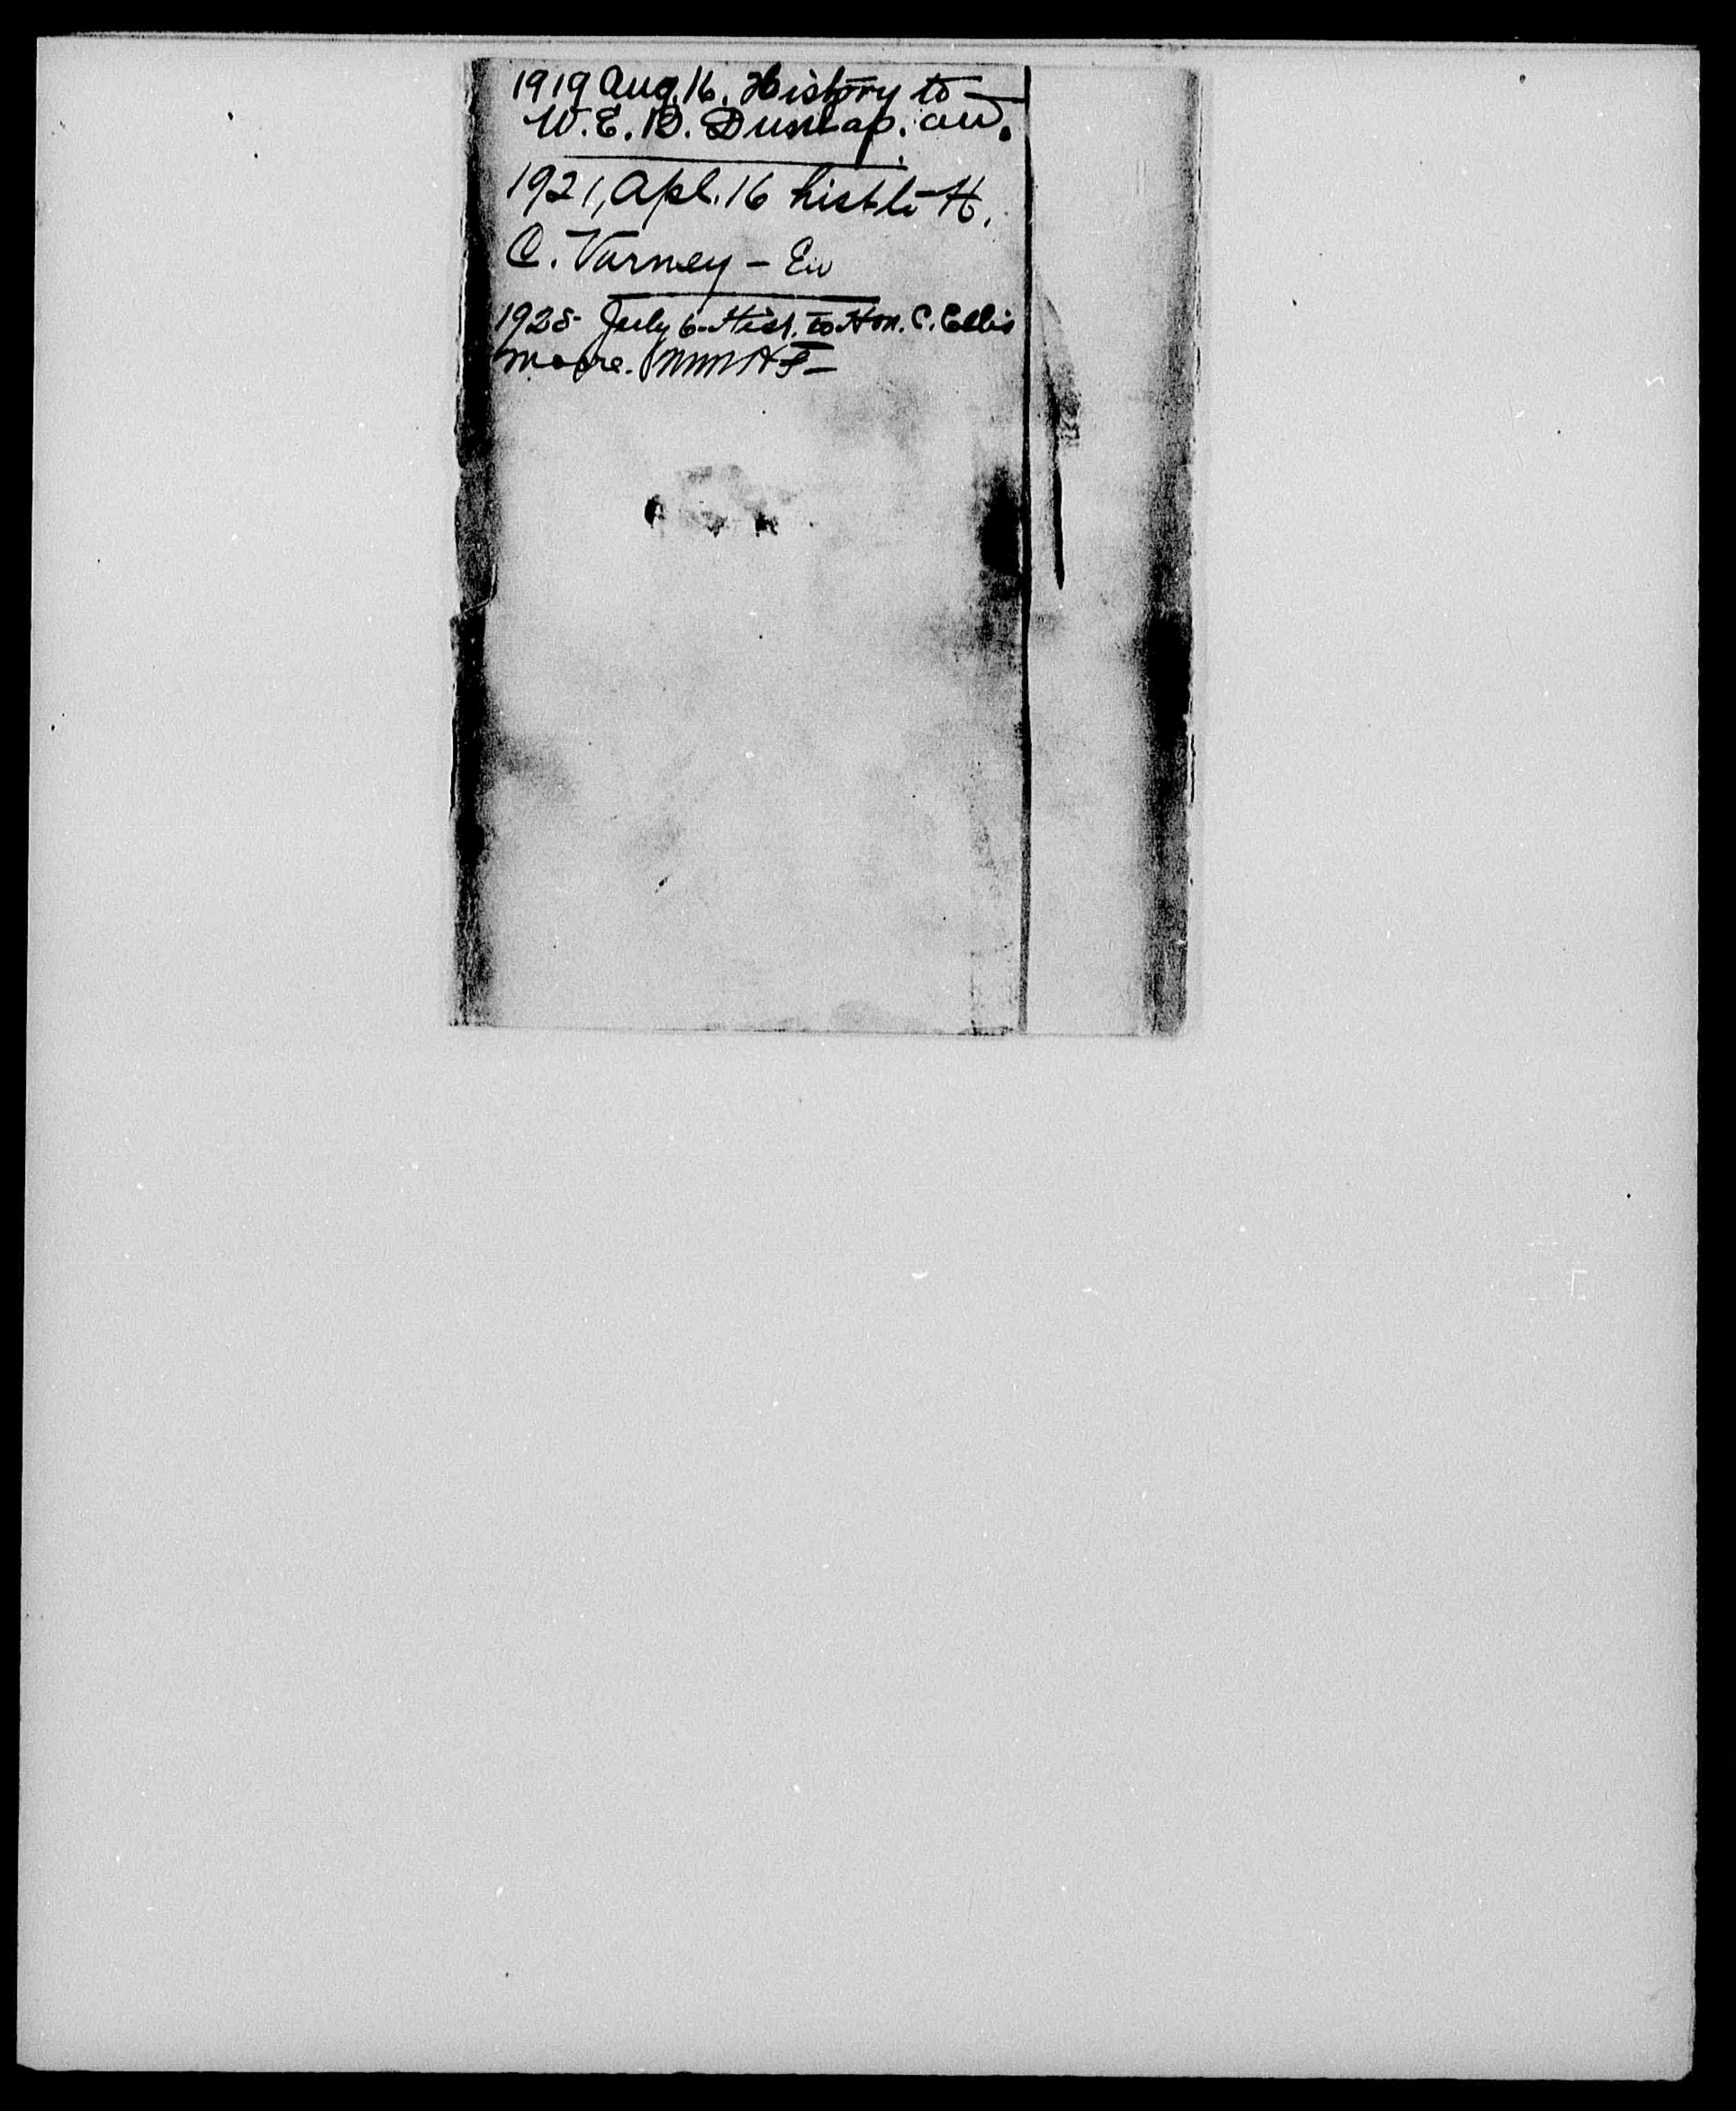[All Handwritten]1919 Aug. 16. History to W. E. B. Dunlap. AM
1921, Apl.16 hist to H. C. Varney - Eu
1928 - July 6 - Hist. to Hon. C. Ellis Moore. [MMHF-]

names: H C Varney, W E B Dunlap, C Ellis Moore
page: 11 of 24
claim: survivor's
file: S. 15,415, William Dunlap, Penn.